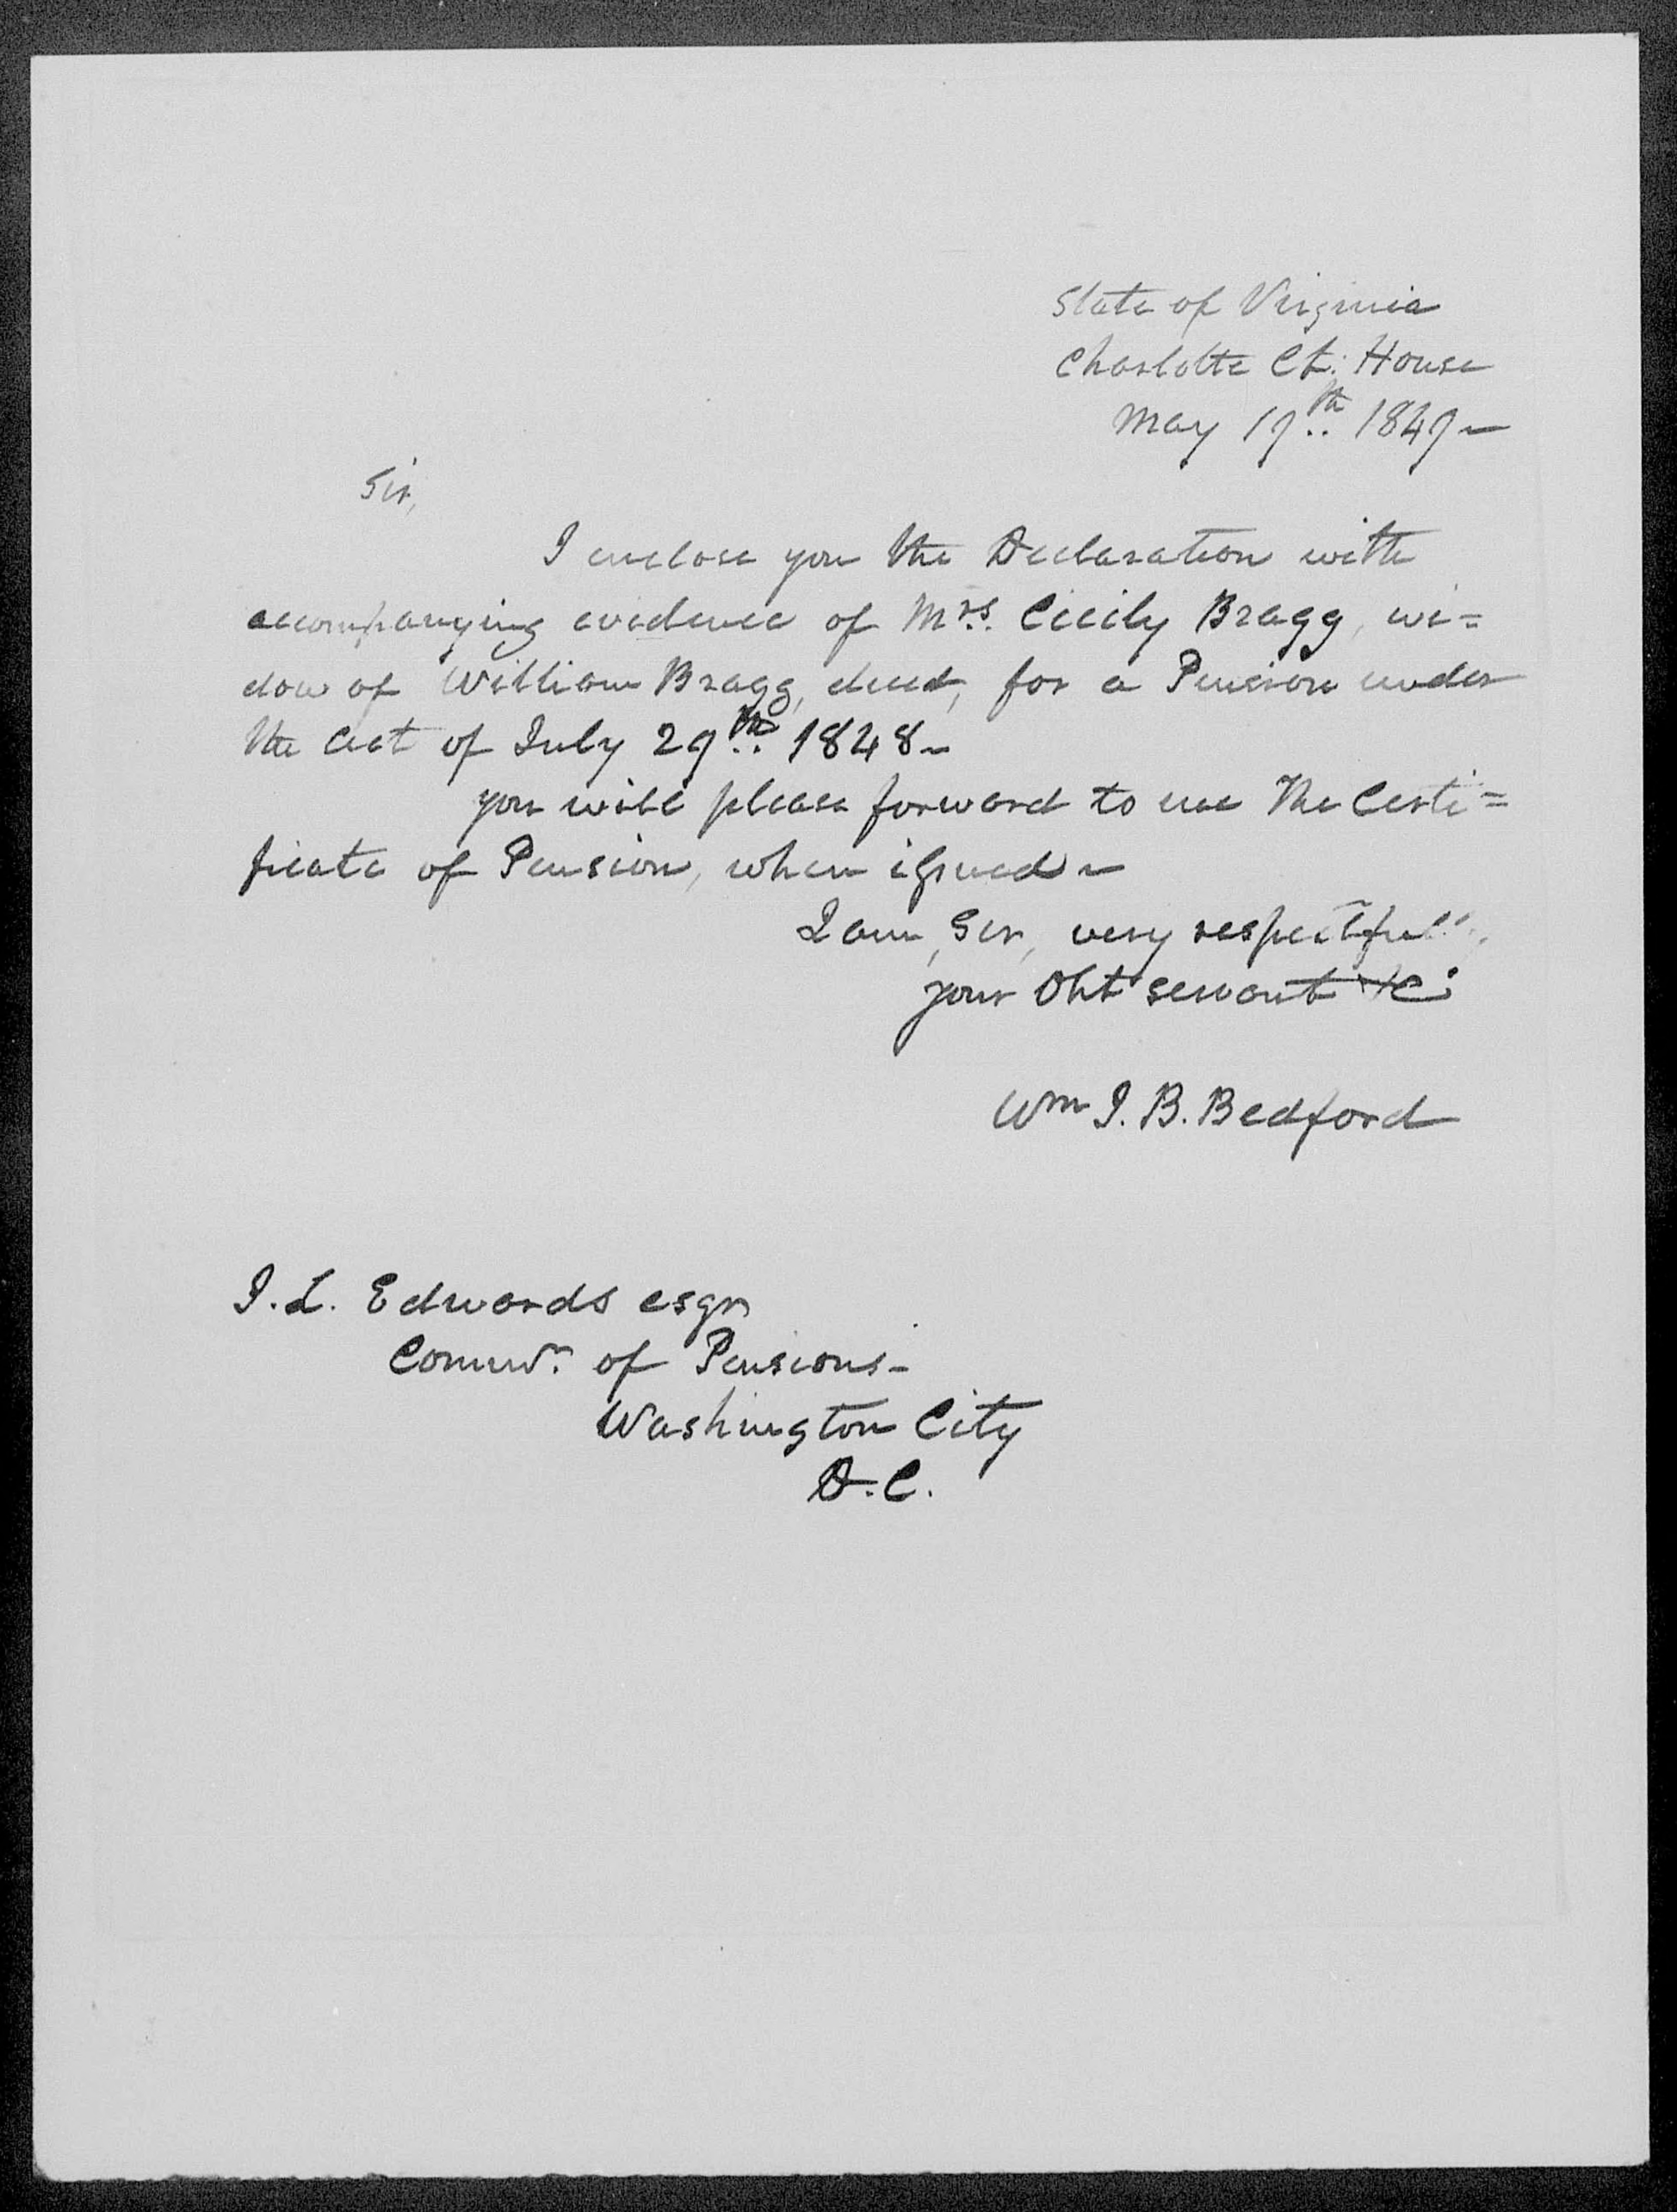State of Virginia 
Charlotte Ct: House 
May 19th 1849. 

Sir,
I enclose you the Declaration with accompanying evidence of Mrs. Cecily Bragg, widow of William Bragg, decd [deceased], for a Pension under the act of July 29th 1848. 
You will please forward to me the Certificate of Pension, when issued – 
I am Sir very respectfully,
your Obt [obedient] servant &c
Wm J. B. Bedford 

J. L. Edwards esqr [Esquire]
Commr [Commissioner] of Pensions 
Washington City D. C.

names: Wm J B Bedford, J L Edwards, William Bragg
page: 17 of 19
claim: widow's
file: W. 2517, William Bragg, Va.